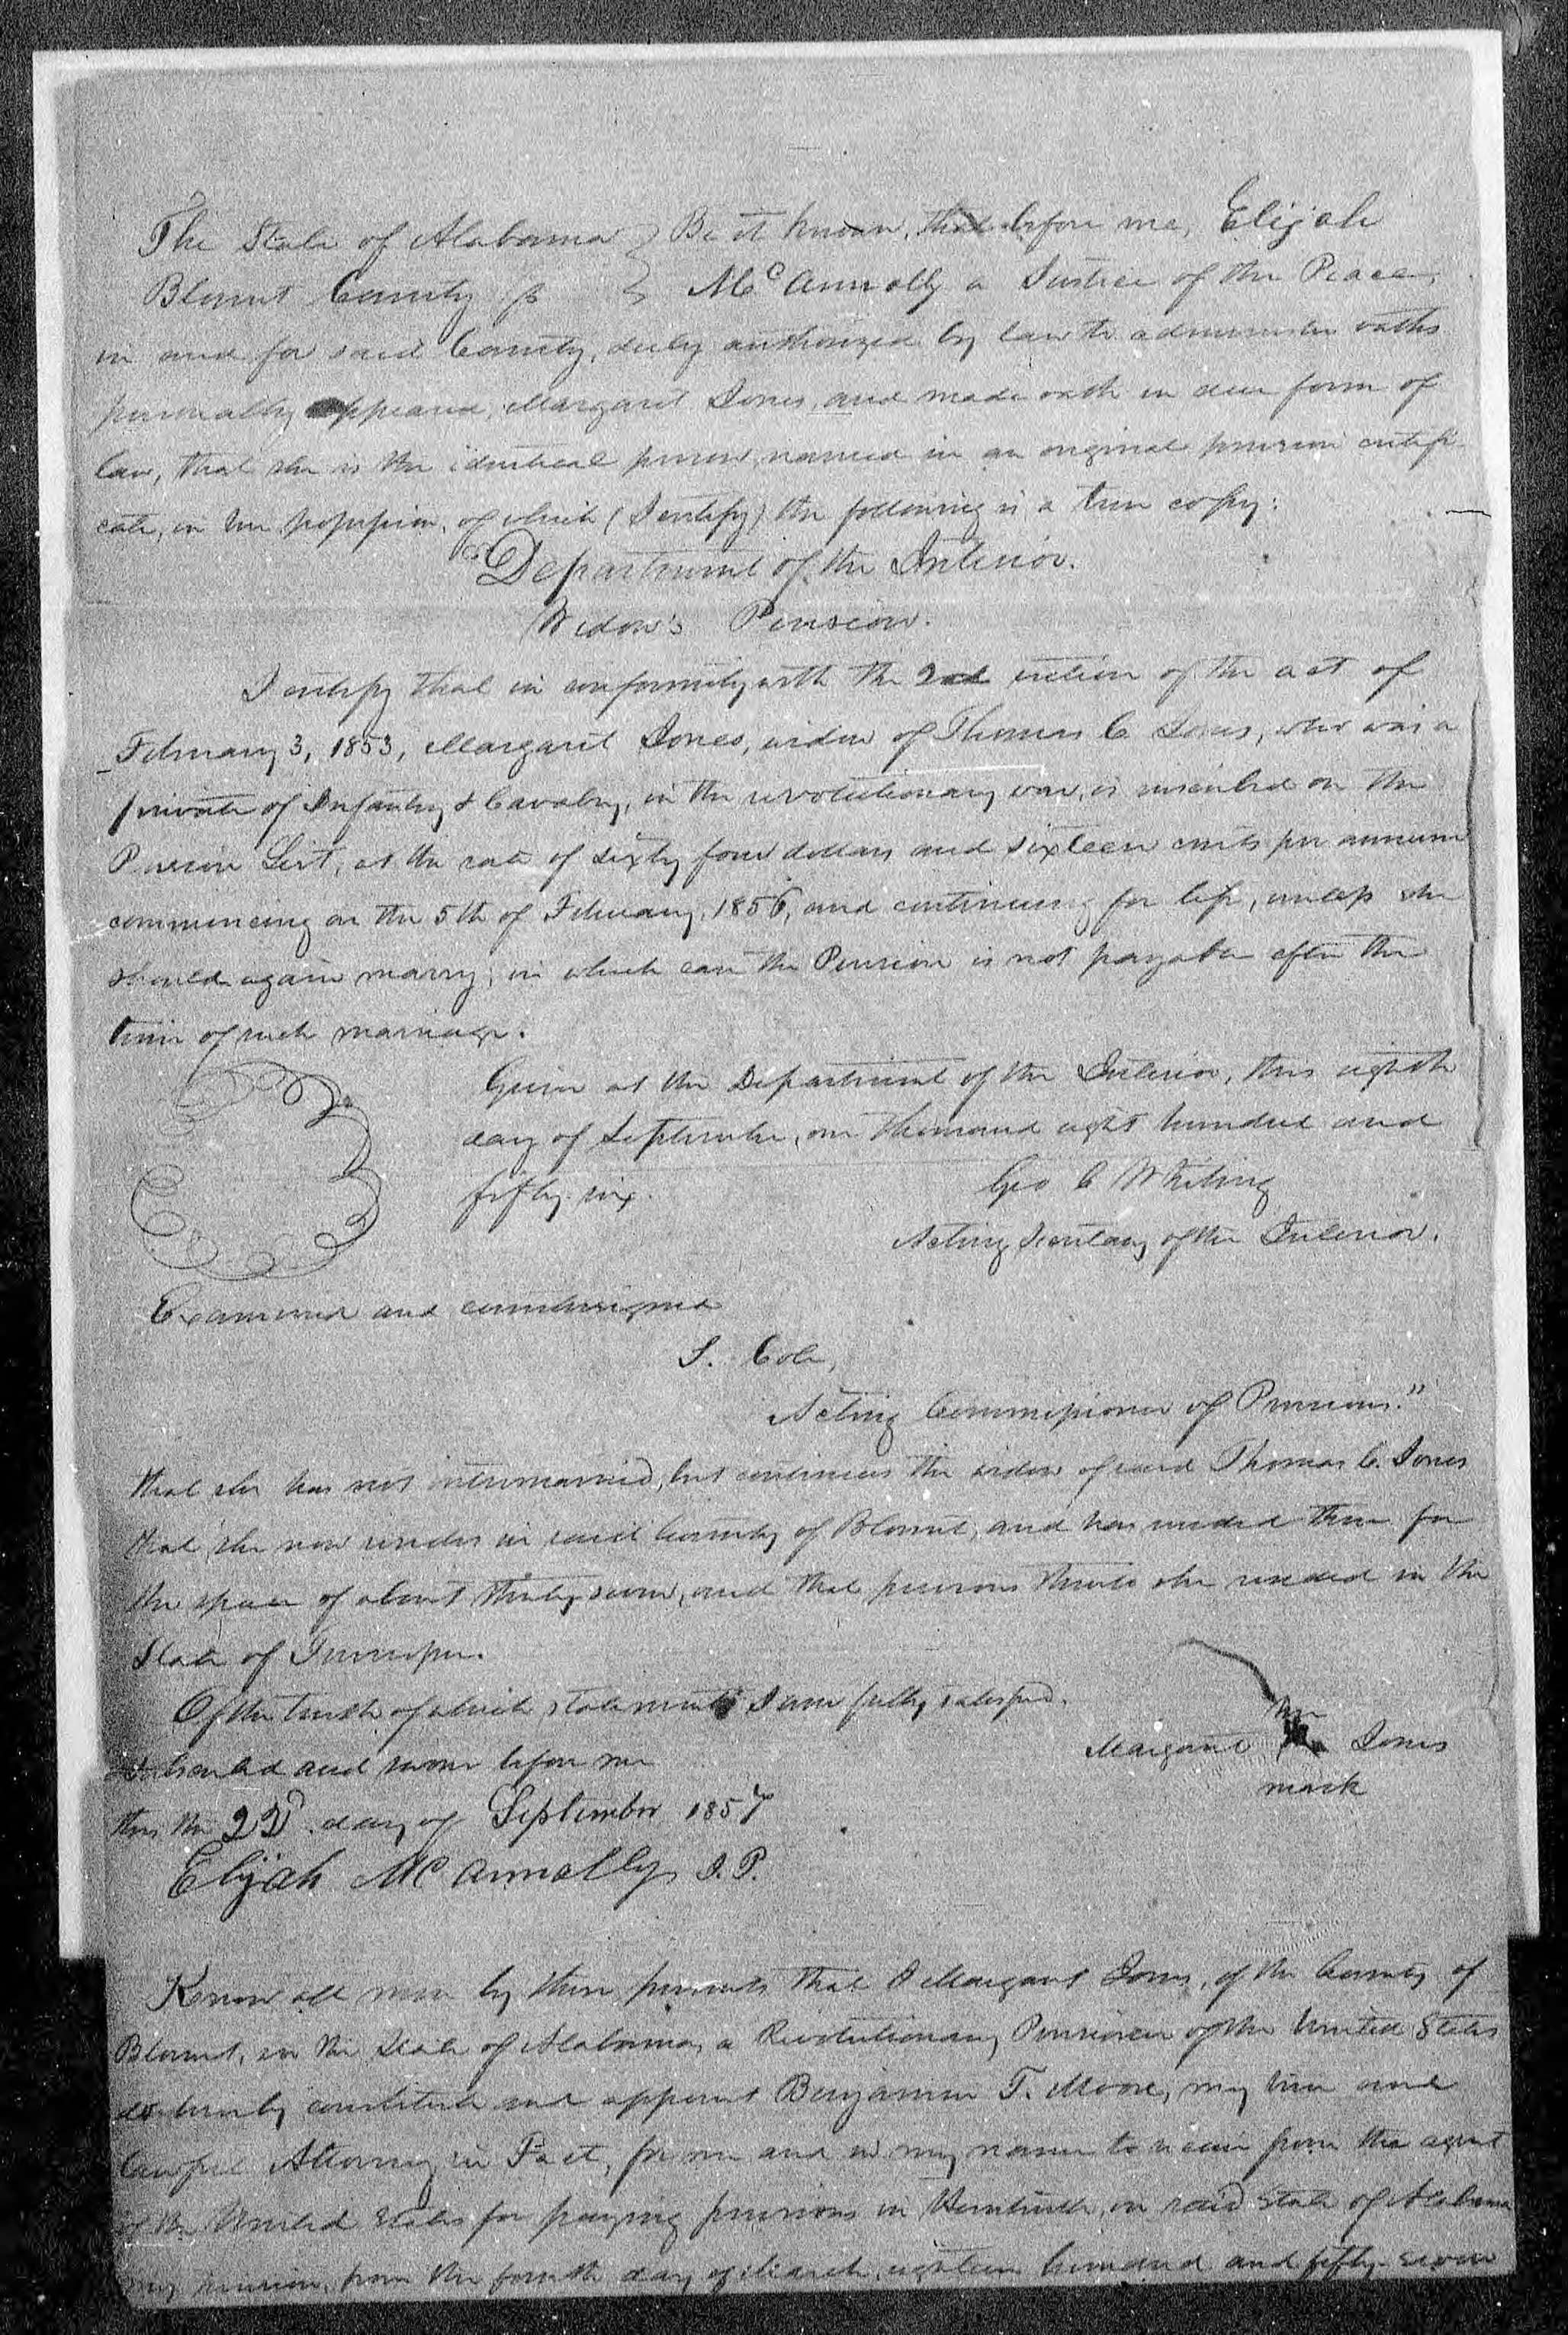The State of Alabama
Blount County SS

Be it known that before me Elijah
McAnnally, a Justice of the Peace,
in and for said County, duly authorized by law to administer oaths
personally appears, Margaret Jones, and made oath in due form of 
law, that she is the identical person named in an original pension certificate
in her possession, of which I Certify the following is a true copy;
Department of the Interior
Widow's Pension
I certify that in conformity with the 2nd section of the act of
February 3, 1853, Margaret Jones, widow of Thomas C. Jones, served as a
private of Infantry & Cavalry, in the revolutionary war, as is inscribed on the
Pension List at the rate of sixty four dollars and sixteen cents per annum
commencing on the 5th of February, 1856 and continuing for life, unless she
should again marry; in which case the Pension is not payable after the 
time of such marriage.
Given at the Department of the Interior, this eighth
day of September, one thousand eight hundred and 
fifty six.
Geo C Whiting
Acting Secretary of the Interior 
Examiner ad commissioner
J. Cole
Acting Commissioner of Pensions
that she has not intermarried but continues the widow of said Thomas C. Jones
that she now resides in said County of Blount, and has resided there for
the space of about thirty seven and that previous thinks she resided in the 
State of Tennessee.
Of the truth of which statement, I am fully satisfied.
Subscribed and sworn before me 
this the 22nd day of September 1857
Elijah McAnnally, J.P.
Margaret Jones
[her mark]
Known all men by these present that I Margaret Jones of the County of
Blount, in the State of Alabama, a Revolutionary Pensioner of the United States
whereby entitled and appoint Benjamin T. Moore, my true and
lawful Attorney in Fact for me and in my name to [illegible - act?] from the agent 
of the United States for paying pensioners in Huntsville in said State of Alabama
my pension from the fourth day of March eighteen hundred and fifty seven.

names: Benjamin T Moore; Elijah Mcannally; Margaret Jones; S Cole; Thomas C Jones; Geo C Whiting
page: 39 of 45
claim: widow's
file: W. 26160, for Thomas C Jones, Georgia